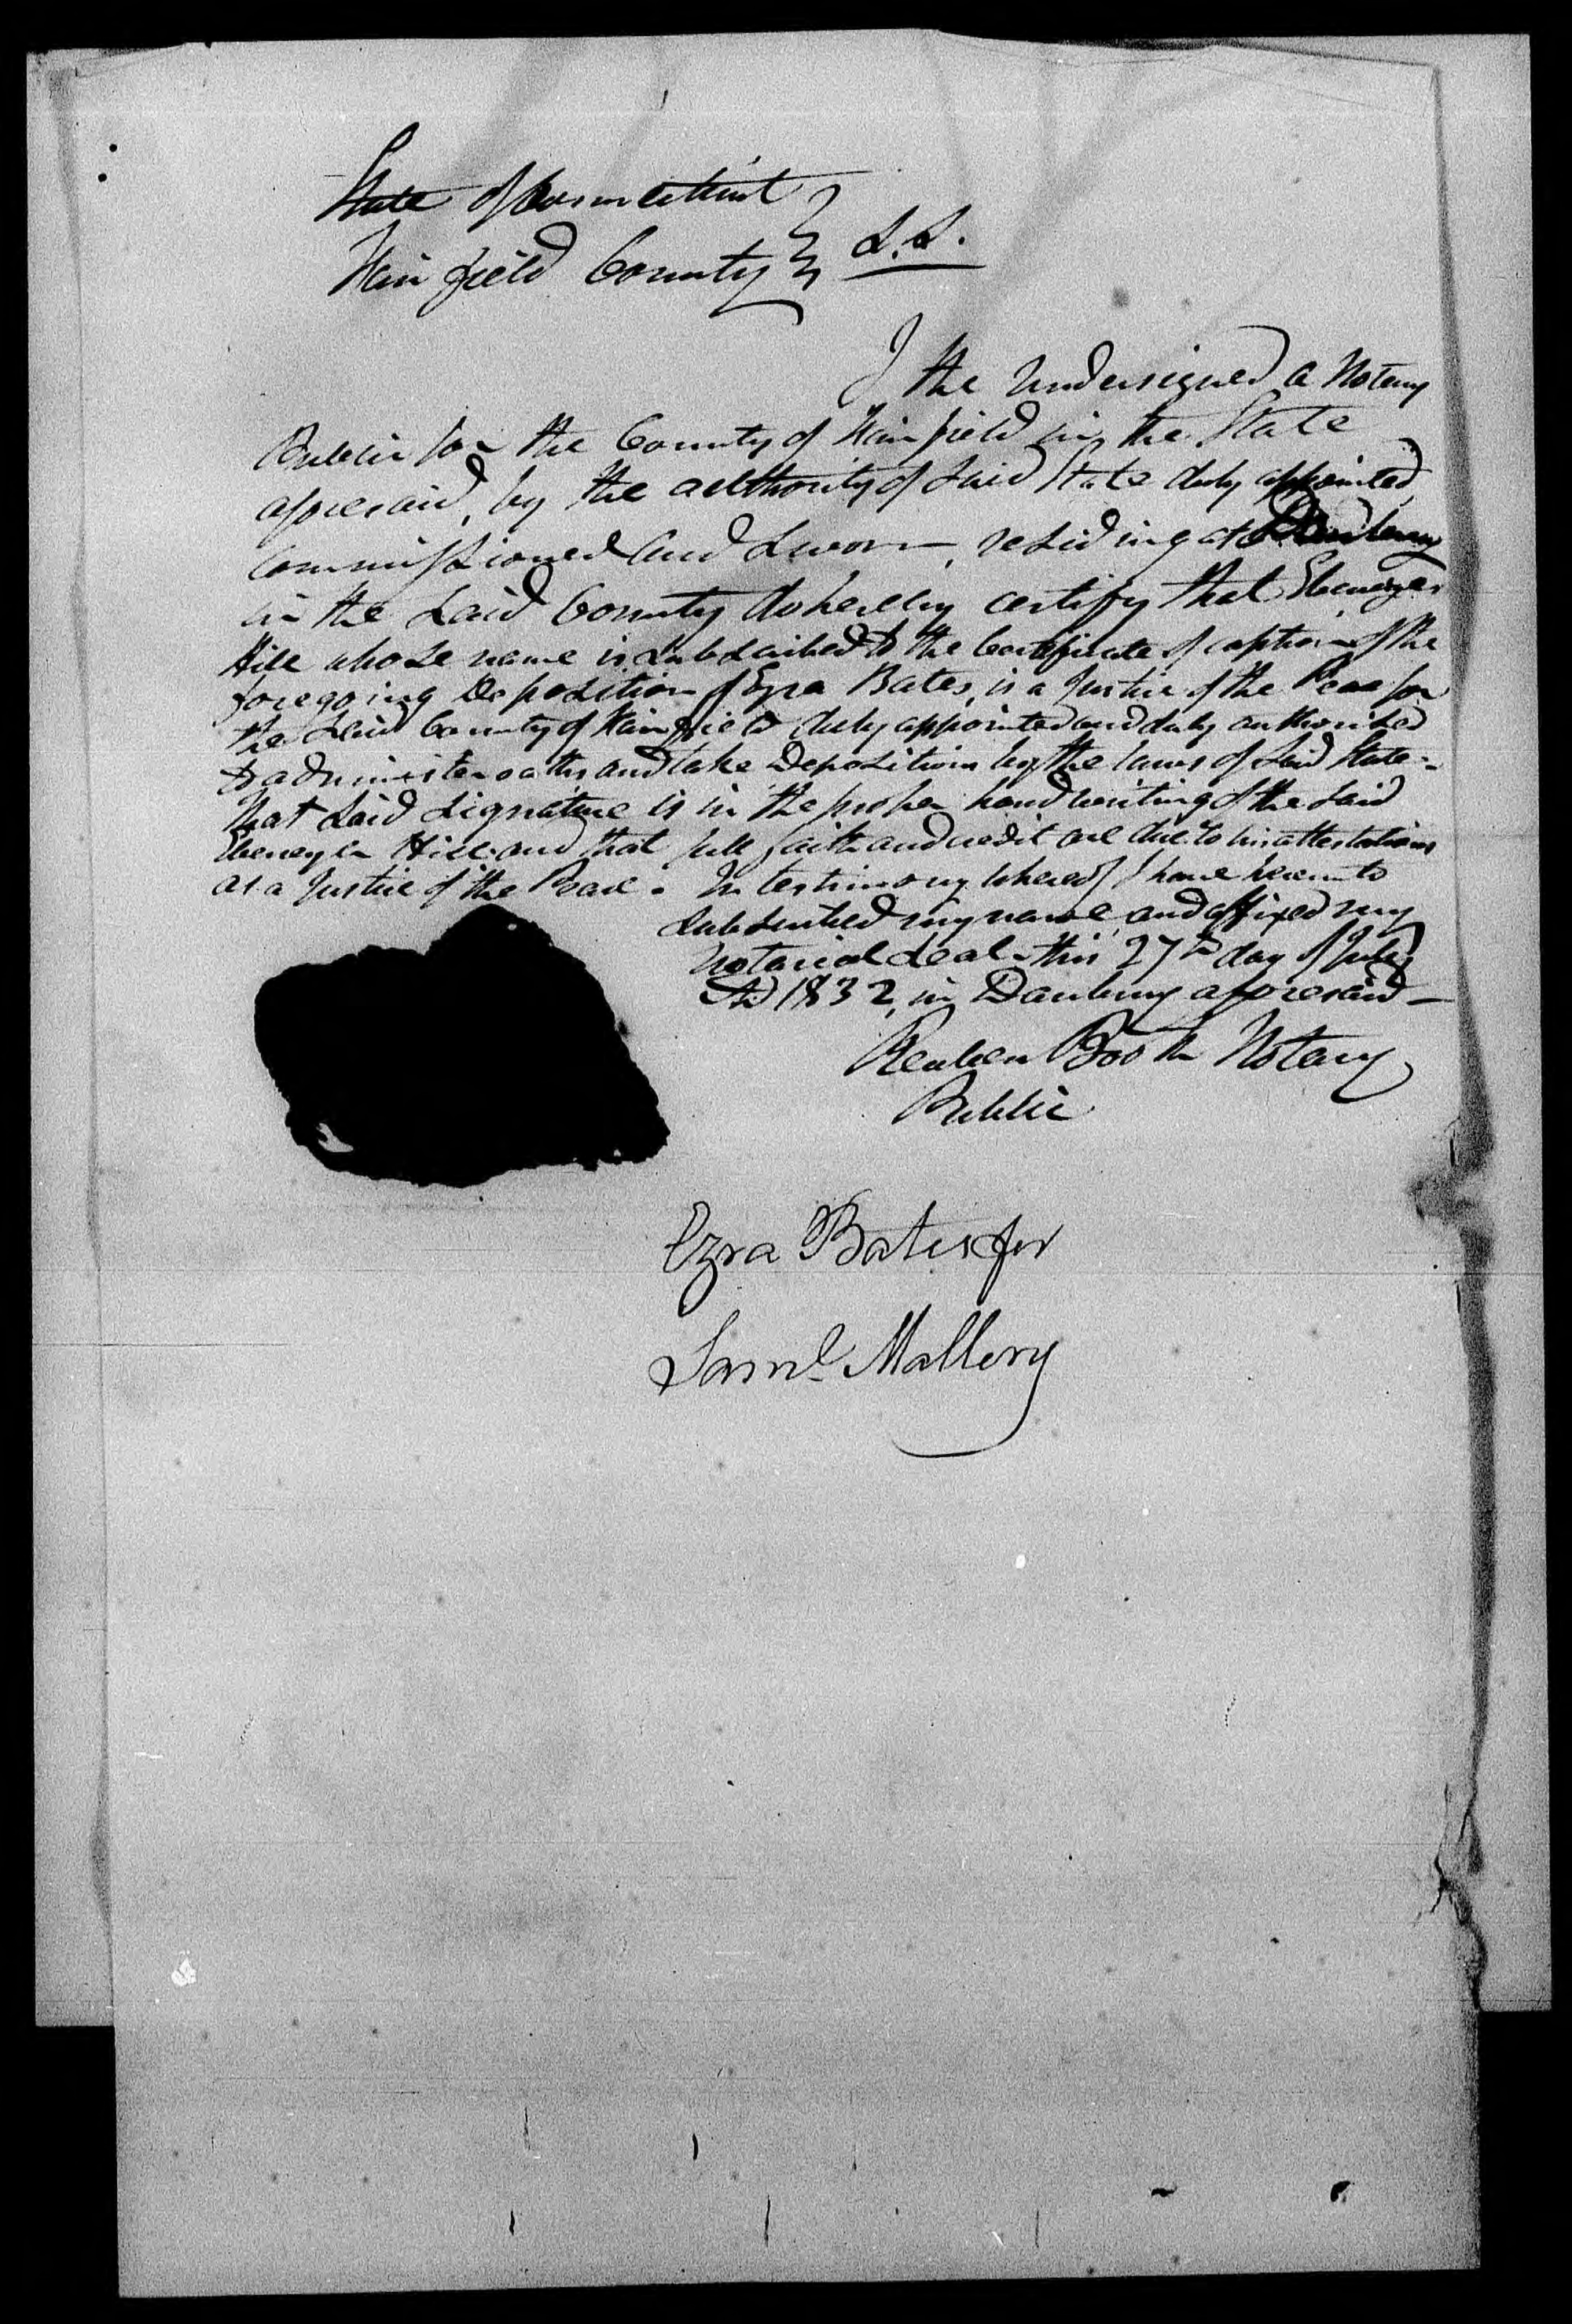State of Connecticut
Fairfield County } ss   I the undersigned a Notary Public for the County of Fairfield in the State aforesaid, by the authority of said State duly appointed, Commissioned and sworn in the said County do hereby certify that Ebenezer Hill whose name is subscribed to the Certificate of caption of the foregoing Deposition Ezra Bates, is a Justice of the Peace for the said County of Fairfield duly appointed and duly authorized administer oaths and take depositions by the laws of said State that said signature is in the proper hand writing of the said Ebenezer Hill and that full faith and credit are due to his attestations as a Justice of the Peace. 
In testimony whereof I have hereunto subscribed my name and affixed my Notarial seal this 27th day of July AD 1832, in Danbury aforesaid 
Reuben Booth Notary Public 
Ezra Bates for Saml Mallery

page: 16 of 29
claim: survivor's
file: S. 23,312, for Samuel Mallery, Connecticut